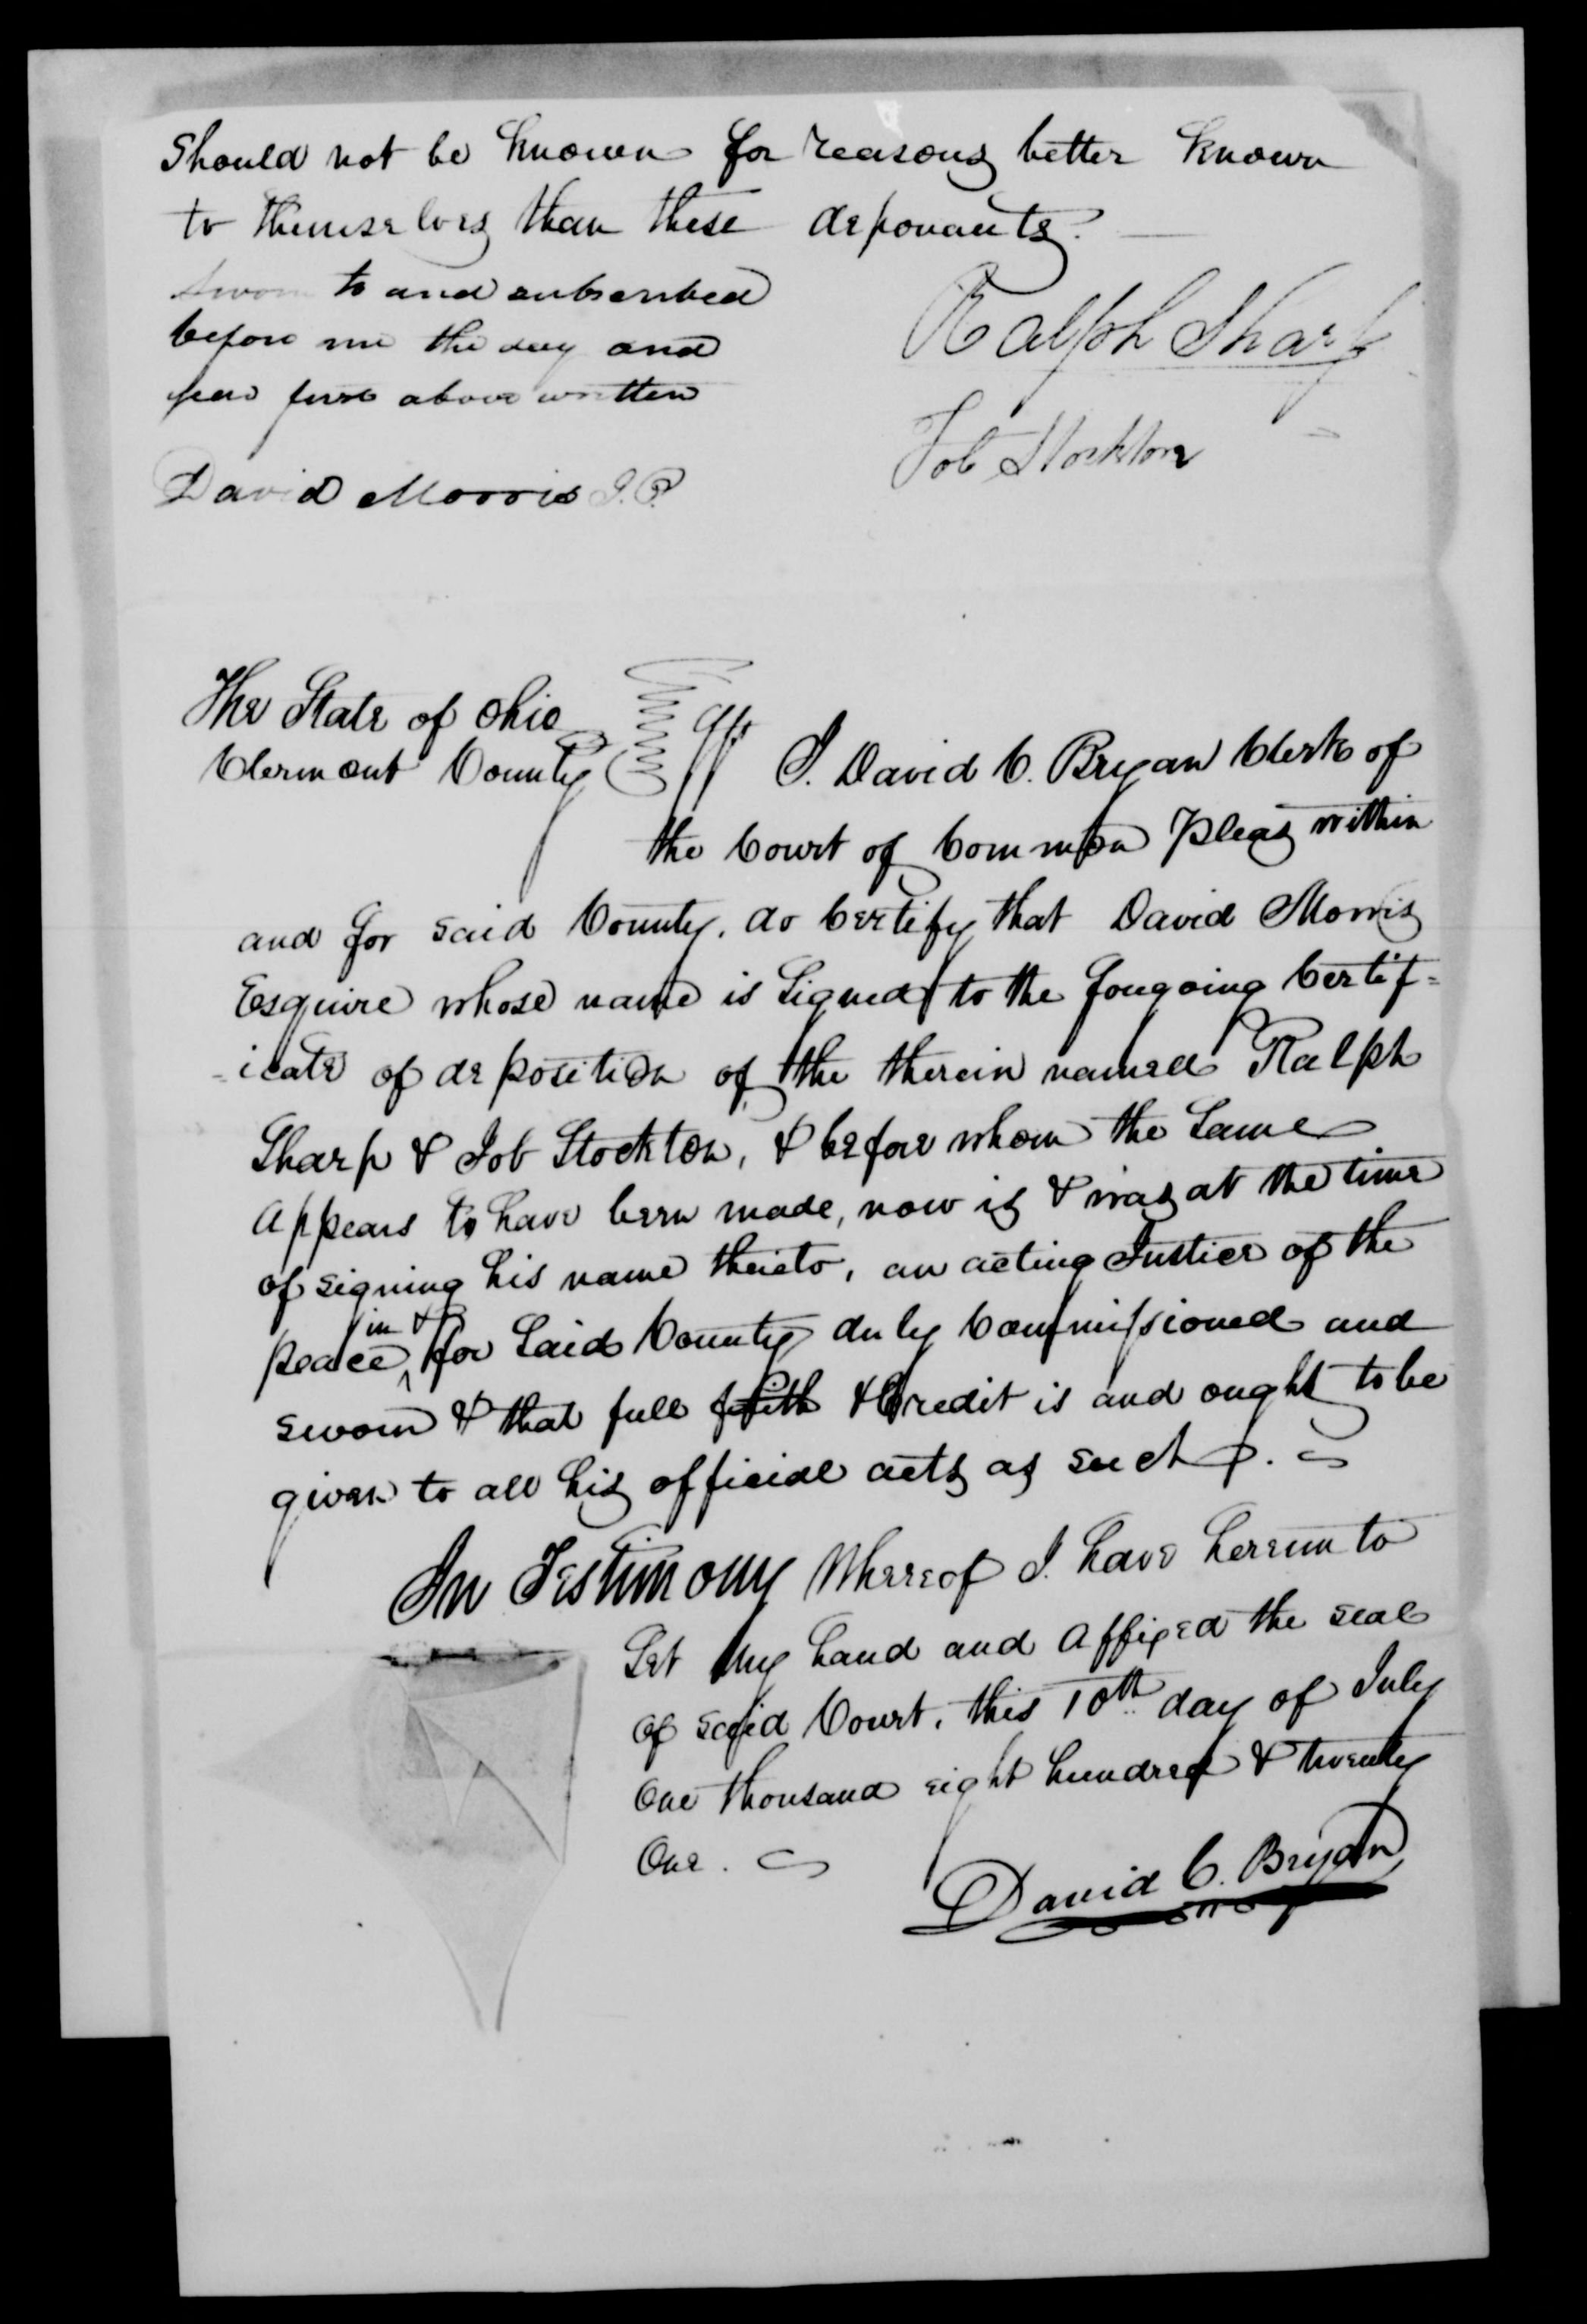Should not be known for reasons better known to themselves than these deponent. [signature:] Ralph Sharp 
[signature:] Job Stockton 
Sworn to and subscribed before me the day and year first above written [signature:] David Morris J. P. 
The State of Ohio Clermont County } Ss I. David C. Bryan Clerk of the Court of Common Pleas within and for said County, do Certify that David Morris Esquire whose name is Signed to the foregoing Certificate of deposition of the therein named Ralph Sharp & Job Stockton, & before whom the same appears to have been made, now is & was at the time of signing his name thereto, an acting Justice of the Peace in & for Said County duly Commissioned and sworn & that full faith & Credit is and ought to be given to all his official acts as such. 
In Testimony Whereof I have hereunto Set my hand and affixed the seal of said Court, this 10th day of July one thousand eight hundred & twenty One. [signature:] David C. Bryan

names: David Morris; Ralph Sharp; David Morris; Job Stockton; Job Stockton; David C Bryan; Ralph Sharp; David C Bryan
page: 61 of 66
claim: survivor's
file: S 40458, for Obadiah Smith, New York